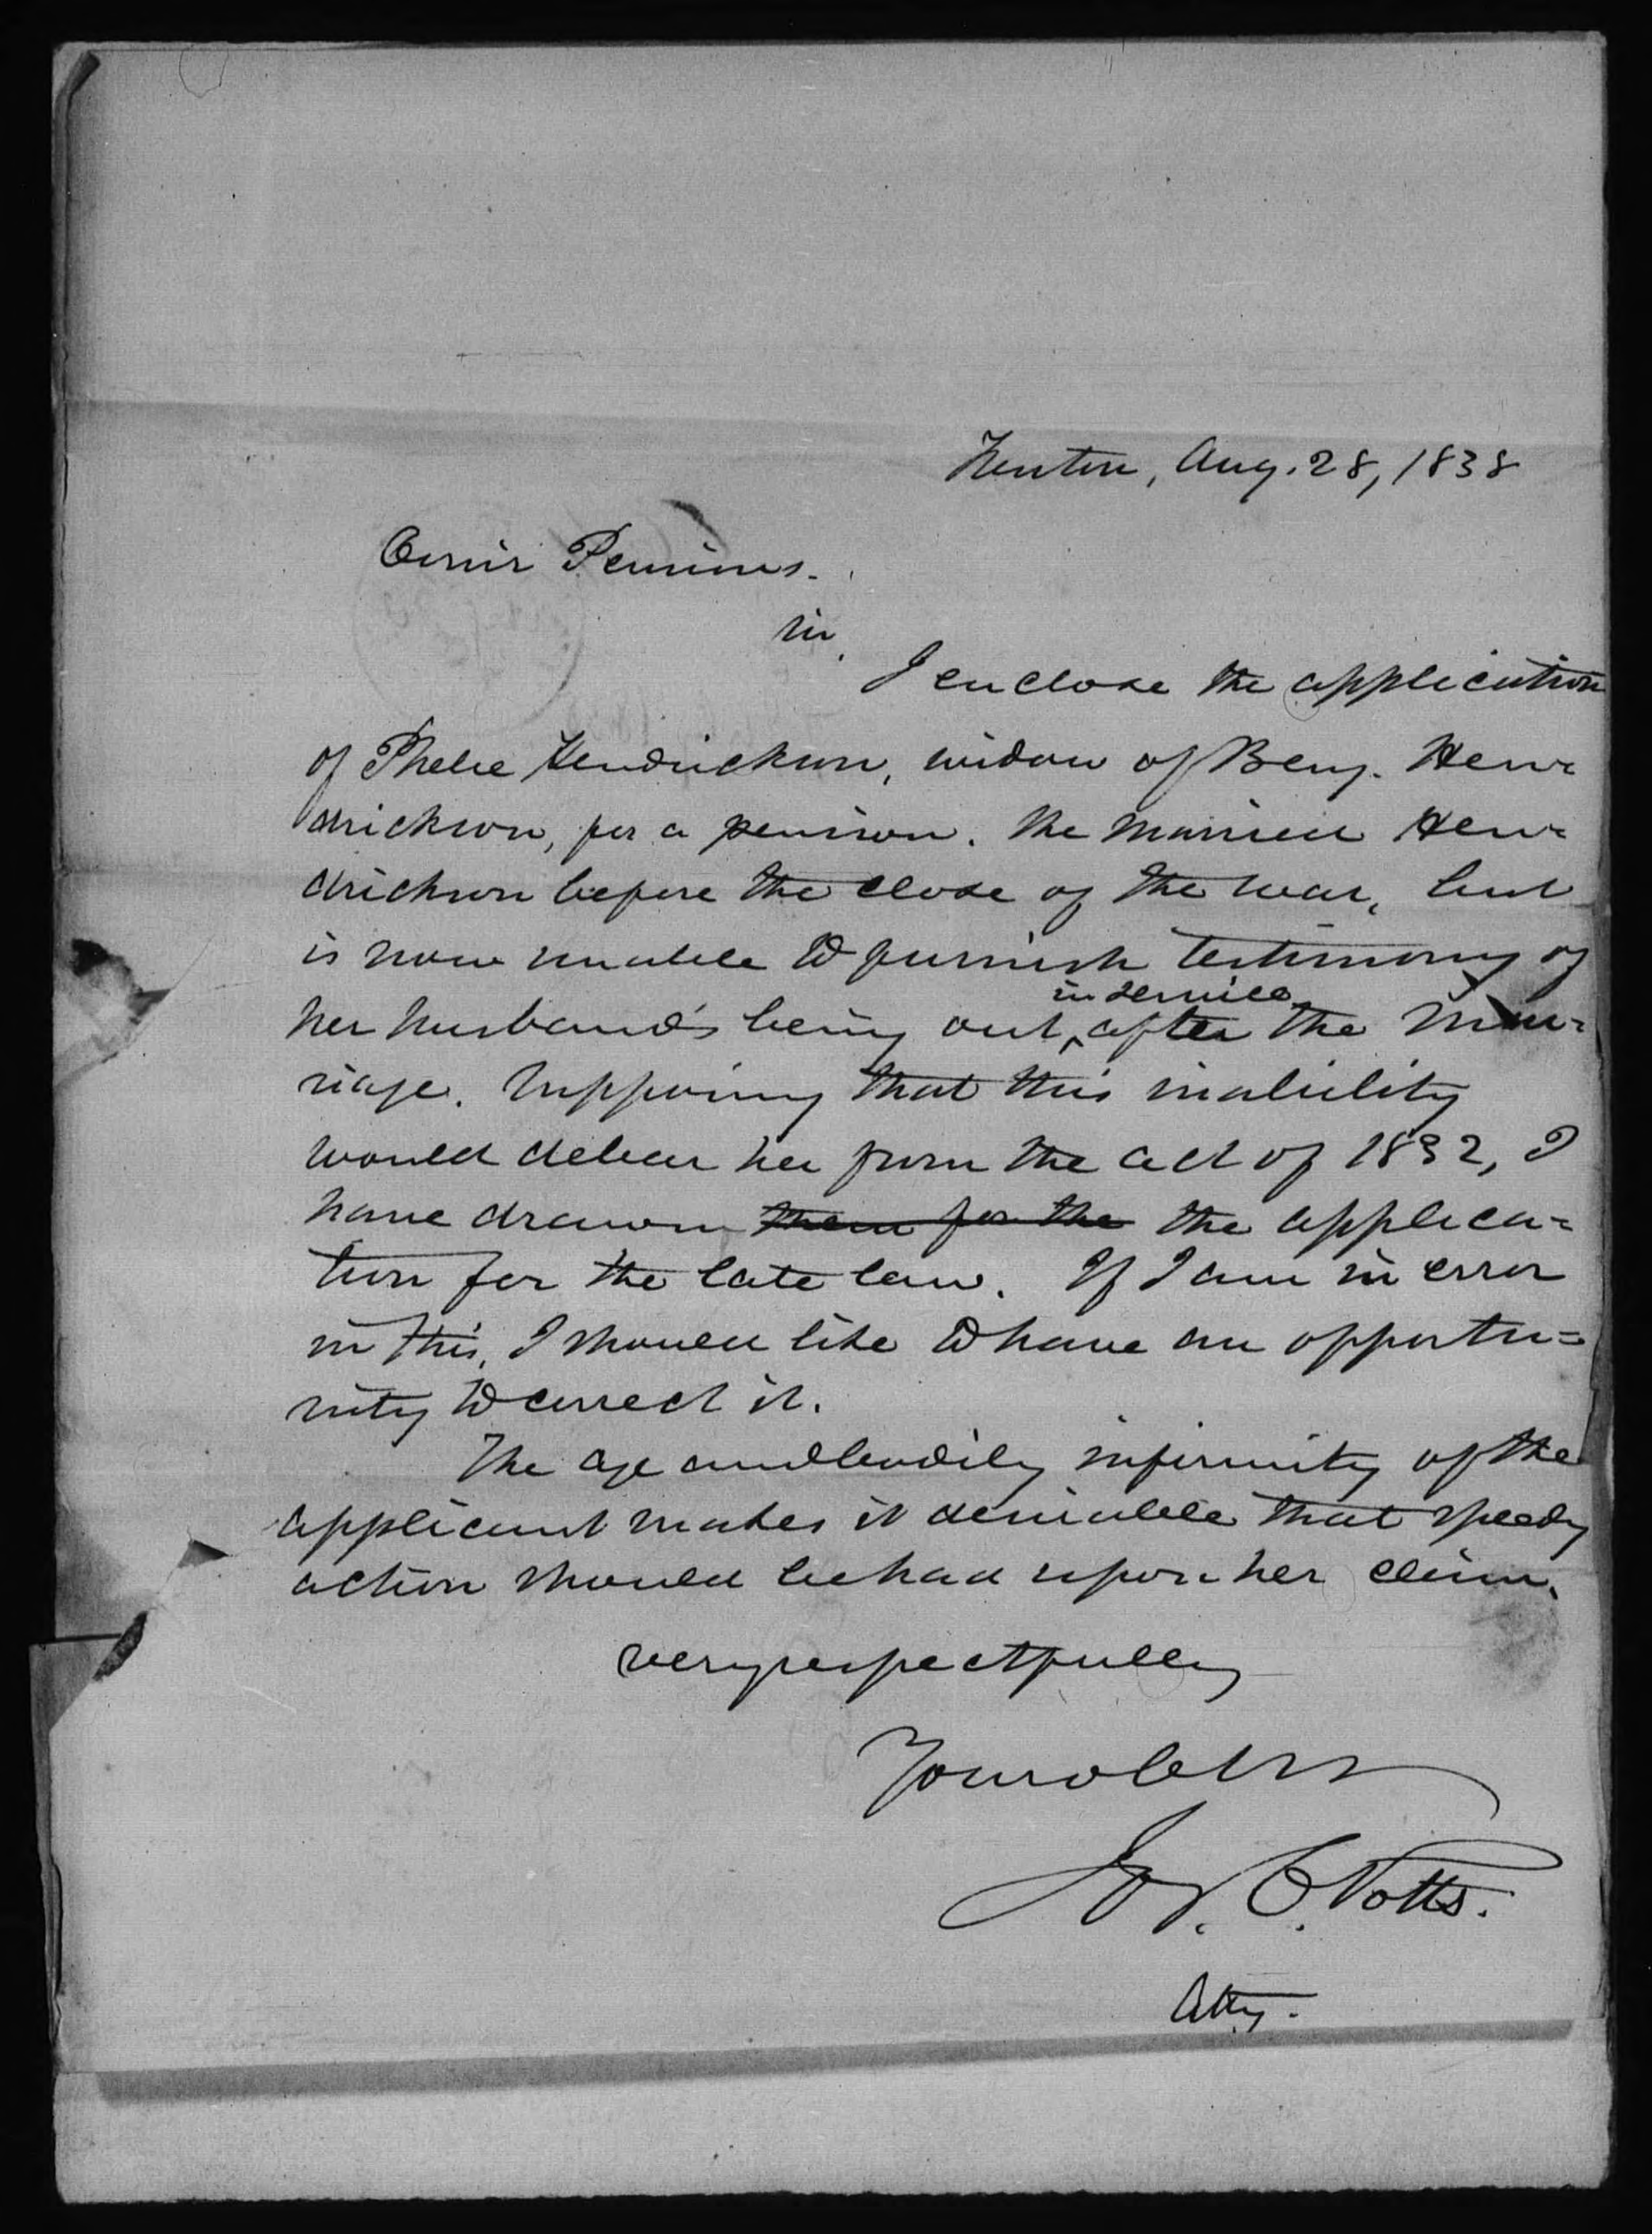Trenton, Aug. 28, 1838
Comis Pensions.

Sir:
I enclose the application of Phebe Hendrickson, widow of Benj. Hendrickson, for a pension. She married Hendrickson before the close of the war, but is now unable to furnish testimony of her husbands being out in service after the marriage. Supposing that this inability
would [debar?] her from the act of 1832, I
have drawn the application for the late law. If I am in error in this, I should like to have an opportunity to correct it.

The age and bodily infirmity of the
applicant makes it [deniable?] that speedy
action should be had upon her claim.

very respectfully
Your obt
Jos. C. Potts.
Atty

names: Phebe Hendrickson, Hendrickson, Jos C Potts, Benj Hendrickson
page: 19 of 20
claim: rejected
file: R. 4884, Benjamin Hendrickson, New Jersey